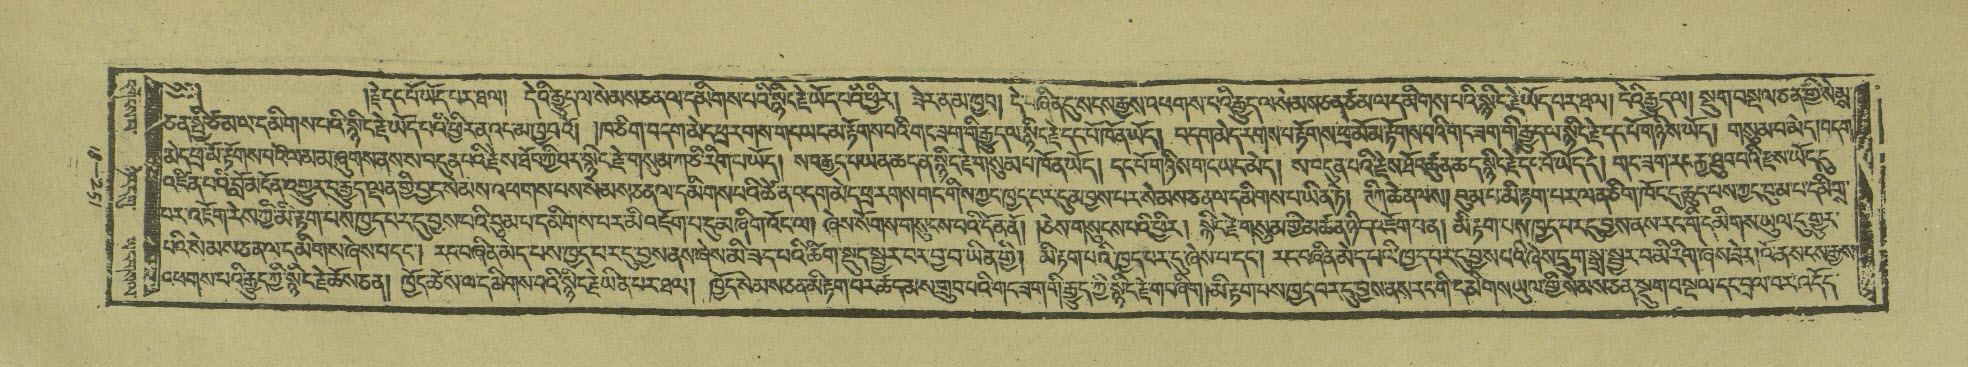༄༅། །རྗེ་དང་པོ་ཡོད་པར་ཐལ། དེའི་རྒྱུད་ལ་སེམས་ཅན་ལ་དམིགས་པའི་སྙིང་རྗེ་ཡོད་པའི་ཕྱིར། ཟེར་ན་མ་ཁྱབ། དེ་བཞིན་དུ་སངས་རྒྱས་འཕགས་པའི་རྒྱུད་ལ་སེམས་ཅན་ཙམ་ལ་དམིགས་པའི་སྙིང་རྗེ་ཡོད་པར་ཐལ། དེའི་རྒྱུད་ལ། སྡུག་བསྔལ་ཅན་གྱི་སེམས་
ཅན་སྤྱི་ཙམ་ལ་དམིགས་པའི་སྙིང་རྗེ་ཡོད་པའི་ཕྱིར་ན་འཇམ་ཁྱབ་པོ། །ཁ་ཅིག་བདག་མེད་ཕྲ་རགས་གང་ཡང་མ་རྟོགས་པའི་གང་ཟག་གི་རྒྱུད་ལ་སྙིང་རྗེ་དང་པོ་ཁོ་ན་ཡོད། བདག་མེད་རགས་པ་རྟོགས་ཕྲ་མོ་མ་རྟོགས་པའི་གང་ཟག་གི་རྒྱུད་ལ་སྙིང་རྗེ་དང་པོ་གཉིས་ཡོད། གསུམ་པ་མེད། བདག་
མེད་ཕྲ་མོ་རྟོགས་པའི་ལམ་མ་ཞུགས་ནས་ས་བདུན་པའི་རྗེས་ཐོབ་ཀྱི་བར་སྙིང་རྗེ་གསུམ་ཀ་ཅི་རིག་པ་ཡོད། ས་བརྒྱད་པ་ཡན་ཆད་ན་སྙིང་རྗེ་གསུམ་པ་ཁོ་ན་ཡོད། དང་པོ་གཉིས་གང་ཡང་མེད། ས་བདུན་པའི་རྗེས་ཐོབ་ཚུན་ཆད་སྙིང་རྗེ་དང་པོ་ཡོད་དེ། གང་ཟག་རང་རྐྱ་ཐུབ་པའི་རྗེས་ཡོད་དུ་
འཛིན་པའི་བློ་མངོན་འགྱུར་བརྒྱུད་ལྡན་གྱི་བྱང་སེམས་འཕགས་པས་སེམས་ཅན་ལ་དམིགས་པའི་ཚེན་བདག་མེད་ཕྲ་རགས་གང་གིས་ཀྱང་ཁྱད་པར་དུ་མ་བྱས་པར་སེམས་ཅན་ལ་དམིགས་པ་ཡིན་ཏེ། ཊིཀ་ཆེན་ལས། བུམ་པ་མི་རྟག་པར་ལན་ཅིག་ཁོང་དུ་ཆུད་པས་ཀྱང་བུམ་པ་དམིགས་
པར་འཇོག་རེས་ཀྱི་མི་རྟག་པས་ཁྱད་པར་དུ་བྱས་པའི་བུམ་པ་དམིགས་པར་མི་འཇོག་པ་དུ་མ་ཞིག་འོང་ལ། ཞེས་སོགས་གསུངས་པའི་དོན་ནོ། །ཅེས་གསུངས་པའི་ཕྱིར། སྙིང་རྗེ་གསུམ་གྱི་མཚན་ཉིད་འཇོག་པ་ན། མི་རྟག་པས་ཁྱད་པར་དུ་བྱས་ནས་རང་གི་དམིགས་ཡུལ་དུ་གྱུར་
པའི་སེམས་ཅན་ལ་དམིགས་ཞེས་པ་དང་། རང་བཞིན་མེད་པས་ཁྱད་པར་དུ་བྱས་ནས་ཞེས་མི་ཟད་པའི་ཚིག་སྡུད་སྦྱར་བར་བྱ་བ་ཡིན་གྱི། མི་རྟག་པའི་ཁྱད་པར་དུ་ཞེས་པ་དང་། རང་བཞིན་མེད་པའི་ཁྱད་པར་དུ་བྱས་པའི་ཞེས་དྲུག་སྒྲ་སྦྱར་བ་མི་རིག་ཞེས་ཟེར། འོ་ན་སངས་རྒྱས་
འཕགས་པའི་རྒྱུད་ཀྱི་སྙིང་རྗེ་ཆོས་ཅན། ཁྱོད་ཆོས་ལ་དམིགས་པའི་སྙིང་རྗེ་ཡིན་པར་ཐལ། ཁྱོད་སེམས་ཅན་མི་རྟོག་པར་ཚད་མས་གྲུབ་པའི་གང་ཟག་གི་རྒྱུད་ཀྱི་སྙིང་རྗེ་གང་ཞིག །མི་རྟག་པས་ཁྱད་པར་དུ་བྱས་ནས་རང་གི་དམིགས་ཡུལ་གྱི་སེམས་ཅན་སྡུག་བསྔལ་དང་བྲལ་བར་འདོད་